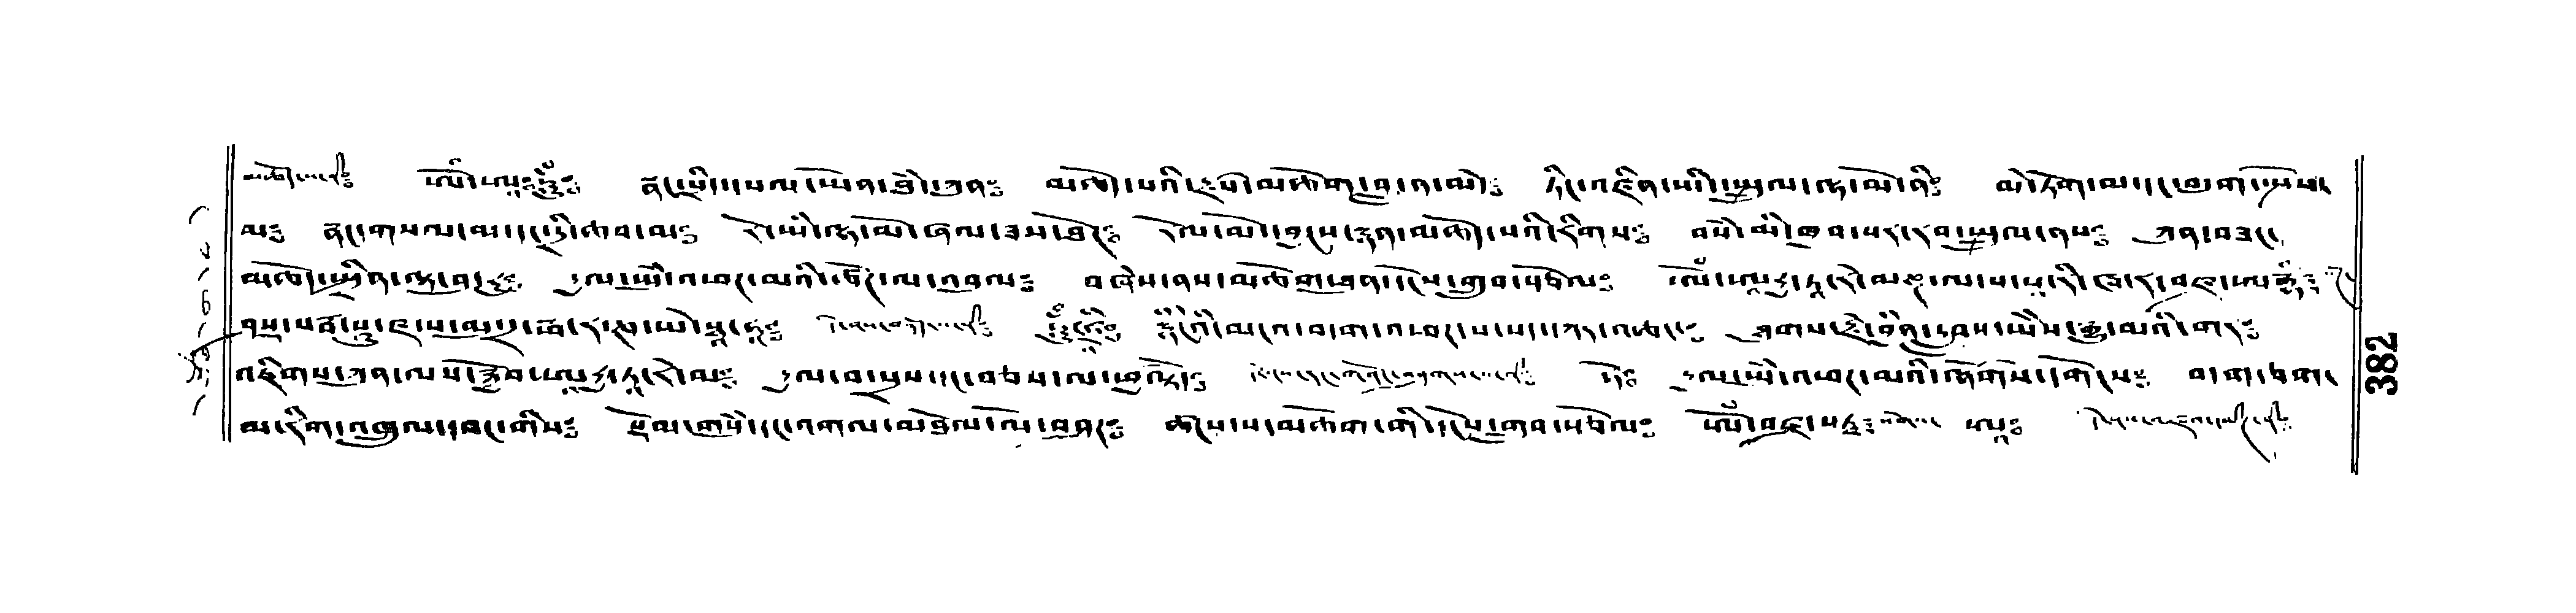མཆོད་པ་ནི༔ ཨོཾ་ཨཱཿཧཱུྃ༔ སྣང་སྲིད་དཔལ་ཡོན་ཐམས་ཅད་ཀུན༔ མཆོད་པའི་རྫས་མཆོག་བླ་ན་མེད༔ ཏིང་འཛིན་ཡིད་སྤྲུལ་ལྷ་མོ་ནི༔ མེ་ཏོག་མ་དང་བདུག་སྤོས་
མ༔ སྣང་གསལ་མ་དང་དྲི་ཆབ་མ༔ རོ་ཡི་ལྷ་མོ་ཞལ་ཟས་ཐོགས༔ རོལ་མོ་དབྱངས་སྙན་མཆོད་པའི་རིགས༔ བསམ་མི་ཁྱབ་པར་རབ་སྤྲུལ་ནས༔ ཀུན་བཟང་
མཆོད་སྤྲིན་ལྟ་བུ་རུ༔ རྒྱལ་ཡུམ་འཕགས་མའི་ཚོགས་ལ་འབུལ༔ བཞེས་ནས་མཆོག་ཐུན་དངོས་གྲུབ་སྩོལ༔ ཨོཾ་ཨཱརྻ་ཏཱ་རེ་མཎྜ་ལ་ས་པཱ་རི་ཝ་ར་བཛྲ་ཨརྒྷཾ༴ སོགས༔ 
ཤཔྡ་སརྦ་པཱུ་ཛ་ས་མུ་དྲ་སྥ་ར་ཎ་ཡེ་སྭཱ་ཧཱ༔ དེ་ནས་བསྟོད་པ་ནི༔ ཧཱུྃ་ཧྲཱིཿ སྙིང་རྗེའི་མངའ་བདག་འཕགས་པ་པད་དཀར་འཆང༔ ཐུགས་རྗེ་བྱིན་རླབས་ཡེ་ཤེས་སྒྱུ་མའི་གར༔ 
འཇིགས་ཀུན་ལས་སྐྱོབ་ཨཱརྻ་ཏཱ་རེ་མ༔ རྒྱལ་བ་སྲས་དང་བཅས་ལ་ཕྱག་འཚལ་བསྟོད༔ དེ་ནས་རང་གནོང་བཤགས་པ་ནི༔ ཧོཿ རྒྱལ་ཡུམ་འཕགས་མའི་ལྷ་ཚོགས་དགོངས༔ བདག་ཅག་
མ་རིག་འཁྲུལ་དབང་གིས༔ སྡོམ་གསུམ་དང་འགལ་མཐོལ་ལོ་བཤགས༔ ཚངས་པ་མཆོག་གི་དངོས་གྲུབ་སྩོལ༔ ཨོཾ་བཛྲ་སཏྭ༴ སོགས༔ ཨཱཿ དེ་ནས་འཛབ་དམིགས་ནི༔